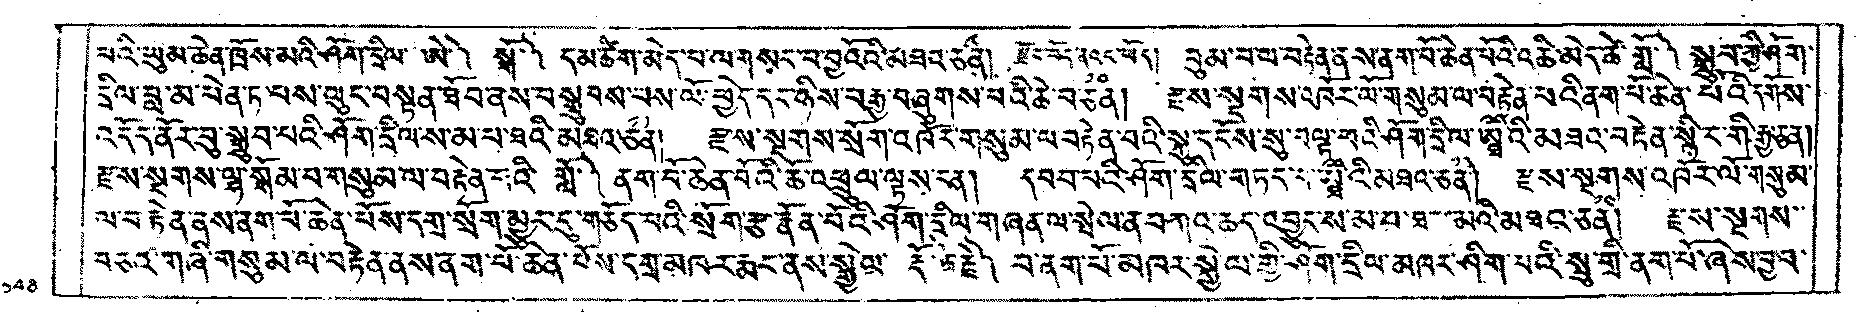པའི་ཡུམ་ཆེན་ཁྲོས་མའི་ཤོག་དྲིལ་ཨ྄ེ་སྒ྄ོ་དམ་ཚིག་མེད་པ་ལ་གསང་བ་བྱའོའི་མཐའ་ཅན ༩། རྫོང་པོད་ནའང་ཡོད།  བུམ་པ་ལ་བརྟེན་ནས་ནག་པོ་ཆེན་པོའི་འཆི་མེད་ཚེ་གླ྄ོ་སྒྲུབ་ཀྱི་ཤོག་
དྲིལ་བླ་མ་པེན་ཏ་པས་ལུང་བསྟན་ཐོབ་ནས་བསྒྲུབས་པས་ལོ་ཕྱེད་དང་ཉིས་བརྒྱ་བཞུགས་པའི་ཆེ་བ་ཅན ༡༠། རྫས་སྔགས་འཁོར་ལོ་གསུམ་ལ་བརྟེན་པའི་ནག་པོ་ཆེན་པོའི་དགོས་
འདོད་ནོར་བུ་སྒྲུབ་པའི་ཤོག་དྲིལ་ས་མ་པ་ཐའི་མཐའ་ཅན ༡༡། རྫས་སྔགས་སྲོག་འཁོར་གསུམ་ལ་བརྟེན་པའི་སྐུ་དངོས་སུ་བལྟ་བའི་ཤོག་དྲིལ་ཨྀཐིའི་མཐའ་བརྟེན་སྙིང་གི་རྒྱ་ཅན།
རྫས་སྔགས་ལྷ་སྒོམ་པ་གསུམ་ལ་བརྟེན་པའི་གླ྄ོ་ནག་པོ་ཆེན་པོའི་ཆོ་འཕྲུལ་ལྟས་ངན། དབབ་པའི་ཤོག་དྲིལ་གཏད་བ་ཨྀཐིའི་མཐའ་ཅན ༡༣། རྫས་སྔགས་འཁོར་ལོ་གསུམ་
ལ་བརྟེན་ནས་ནག་པོ་ཆེན་པོས་དགྲ་སྲོག་མྱུར་དུ་གཅོད་པའི་སྲོག་རྩ་རྣོན་པོའི་ཤོག་དྲིལ་གཞན་ལ་སྤེལ་ན་བཀའ་ཆད་འབྱུང་ས་མ་པ་ཐ་མའི་མཐའ་ཅན ༡༤། རྫས་སྔགས་
བཅའ་གཞི་གསུམ་ལ་བརྟེན་ནས་ནག་པོ་ཆེན་པོས་དགྲ་མཁར་རྨང་ནས་སྐྱེལ་རྡོ་~྾་རྗ྄ེ་བ་ནག་པོ་མཁར་སྐྱེལ་གྱི་ཤོག་དྲིལ་མཁར་ཤིག་པའི་སྤུ་གྲི་ནག་པོ་ཞེས་བྱ་བ་